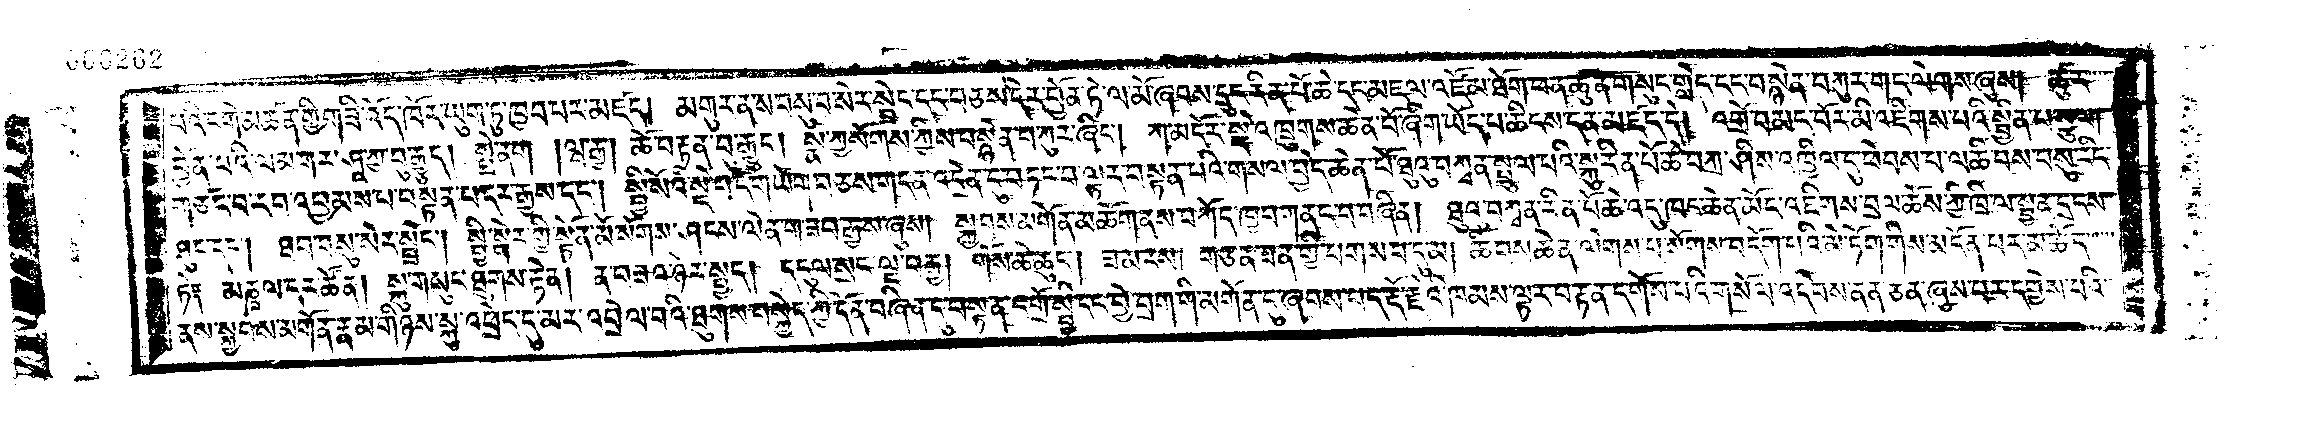པའི་དགེ་མཚན་གྱི་གཟི་འོད་ཁོར་ཡུག་ཏུ་ཁྱབ་པར་མཛད། མགུར་ནས་བསུ་བ་སེར་སྦྲེང་དང་བཅས་དེར་བྱོན་ཏེ་ལ་མོ་ཞབས་དྲུང་རིན་པོ་ཆེ་དང་མཇལ་འཛོམ་ཐོག་ཕན་ཚུན་གསུང་གླེང་དང་བསྙེན་བཀུར་གང་ལེགས་ཞུས། ཚུར་
བྱོན་པའི་ལམ་གར་ཤཱཀྱ་བུ་རྒྱུད། སྤྲེ་ནག །ཝ་རྒྱ། ཚེ་བརྟན་བུ་རྒྱུད། སྣ་ཀྱ་སོགས་ཀྱིས་བསྙེན་བཀུར་ཞིང་། ཀ་མདོར་སྡེ་འཁྲུགས་ཆེན་པོ་ཞིག་ཡོད་པ་ཆིངས་དན་མཛད་དེ། འགྲོ་བ་མང་པོར་མི་འཇིགས་པའི་སྦྱིན་པ་སྩལ།
གཙང་བ་རབ་འབྱམས་པ་བསྟན་པ་དར་རྒྱས་དང་། སྦྱི་སོའི་སྡེ་བ་ངོ་གཡོག་བཅས་གདན་འདྲེན་དུ་བཏང་བ་ལྟར་བསྟན་པའི་གསལ་བྱེད་ཆེན་པོ་ཐུའུ་བཀྭན་སྤྲུལ་པའི་སྐུ་རིན་པོ་ཆེ་བཀྲ་ཤིས་འཁྱིལ་དུ་ཕེབས་པ་ལ་ཆིབས་བསུ་རིང་
ཐུང་དང་། ཐབ་བསུ་སེར་སྦྲེང་། སྤྱི་སྒེར་གྱི་སྟོན་མོ་སོགས་ཤངས་ལེན་གཟབ་རྒྱས་ཞུས། སྐྱབས་མགོན་མཆོག་ནས་བཀོད་ཁྱབ་གནང་བ་བཞིན། ཐུའུ་བཀྭན་རིན་པོ་ཆེ་འདུ་ཁང་ཆེན་མོར་འཇིགས་བྲལ་ཆོས་ཀྱི་ཁྲི་ལ་སྤྱན་དྲངས་
ཏེ༑ མཎྜལ་དར་ཚོན། སྐུ་གསུང་ཐུགས་རྟེན། ན་བཟའ་ཉེར་སྤྱད། དངུལ་སྲང་ལྔ་བརྒྱ། གོས་ཆེ་ཆུང་། ཟམ་རས། གཅན་ཟན་གྱི་པགས་པ་དུ་མ། ཆིབས་ཆེན་ལེགས་པ་སོགས་བདོག་པའི་མེ་ཏོག་གིས་མངོན་པར་མཆོད་
ནས་སྐྱབས་མགོན་རྣམ་གཉིས་སྐུ་འཕྲེང་དུ་མར་འབྲེལ་བའི་ཐུགས་བསྐྱེད་ཀྱི་དོན་བཞིན་དུ་བསྟན་འགྲོ་སྤྱི་དང་བྱེ་བྲག་གི་མགོན་དུ་ཞབས་པད་རྡོ་རྗེའི་ཁམས་ལྟར་བརྟན་དགོས་པའི་གསོལ་འདེབས་ནན་ཅན་ཞུས་པར་དགྱེས་པའི་